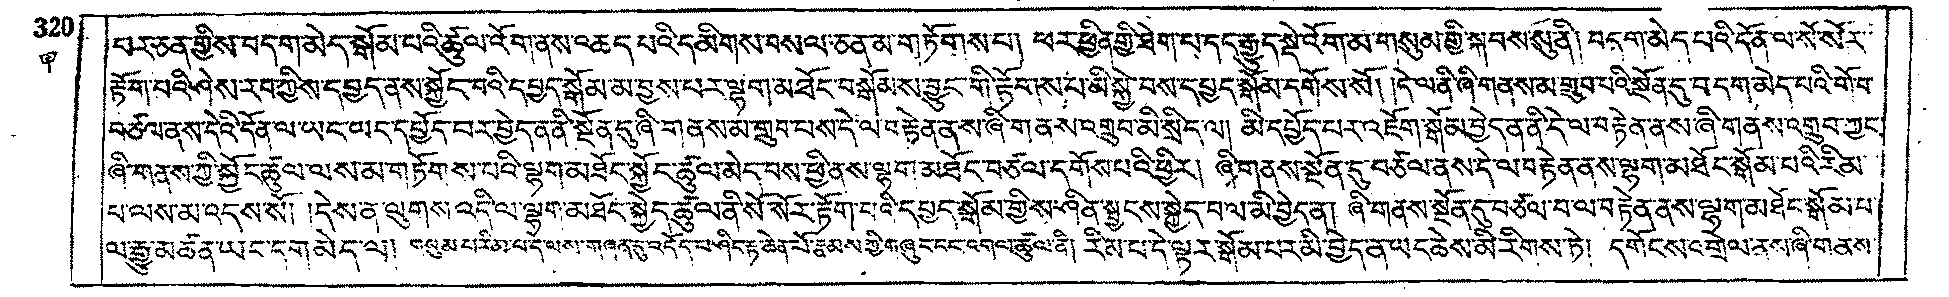པར་ཅན་གྱིས་བདག་མེད་སྒོམ་པའི་ཚུལ་འོག་ནས་འཆད་པའི་དམིགས་བསལ་ཅན་མ་གཏོགས་པ། ཕར་ཕྱིན་གྱི་ཐེག་པ་དང་རྒྱུད་སྡེ་འོག་མ་གསུམ་གྱི་སྐབས་སུ་ནི། བདག་མེད་པའི་དོན་ལ་སོ་སོར་
རྟོག་པའི་ཤེས་རབ་ཀྱིས་དཔྱད་ནས་སྐྱོང་བའི་དཔྱད་སྒོམ་མ་བྱས་པར་ལྷག་མཐོང་བསྒོམས་བྱུང་གི་རྟོགས་པ་མི་སྐྱེ་བས་དཔྱད་སྒོམ་དགོས་སོ། །དེ་ལ་ནི་ཞི་གནས་མ་གྲུབ་པའི་སྔོན་དུ་བདག་མེད་པའི་གོ་བ་
བཙལ་ནས་དེའི་དོན་ལ་ཡང་ཡང་དཔྱོད་བར་བྱེད་ན་ནི་སྔོན་དུ་ཞི་གནས་མ་གྲུབ་པས་དེ་ལ་བརྟེན་ནས་ཞི་གནས་འགྲུབ་མི་སྲིད་ལ། མི་དཔྱོད་པར་འཇོག་སྒོམ་བྱེད་ན་ནི་དེ་ལ་བརྟེན་ནས་ཞི་གནས་འགྲུབ་ཀྱང་
ཞི་གནས་ཀྱི་སྐྱོང་ཚུལ་ལས་མ་གཏོགས་པའི་ལྷག་མཐོང་སྐྱོང་ཚུལ་མེད་པས་ཕྱི་ནས་ལྷག་མཐོང་བཙལ་དགོས་པའི་ཕྱིར། ཞི་གནས་སྔོན་དུ་བཙལ་ནས་དེ་ལ་བརྟེན་ནས་ལྷག་མཐོང་སྒོམ་པའི་རིམ་
པ་ལས་མ་འདས་སོ། །དེས་ན་ལུགས་འདི་ལ་ལྷག་མཐོང་སྐྱེད་ཚུལ་ནི་སོ་སོར་རྟོག་པའི་དཔྱད་སྒོམ་གྱིས་ཤིན་སྦྱངས་སྐྱེད་པ་ལ་མི་བྱེད་ན། ཞི་གནས་སྔོན་དུ་བཙལ་བ་ལ་བརྟེན་ནས་ལྷག་མཐོང་སྒོམ་པ་
ལ་རྒྱུ་མཚན་ཡང་དག་མེད་ལ། གསུམ་པ་རིམ་པ་དེ་ལས་གཞན་དུ་འདོད་པ་ཤིང་རྟ་ཆེན་པོ་རྣམས་ཀྱི་གཞུང་དང་འགལ་ཚུལ་ནི།  རིམ་པ་དེ་ལྟར་སྒོམ་པར་མི་བྱེད་ན་ཡང་ཆེས་མི་རིགས་ཏེ། དགོངས་འགྲེལ་ནས་ཞི་གནས་